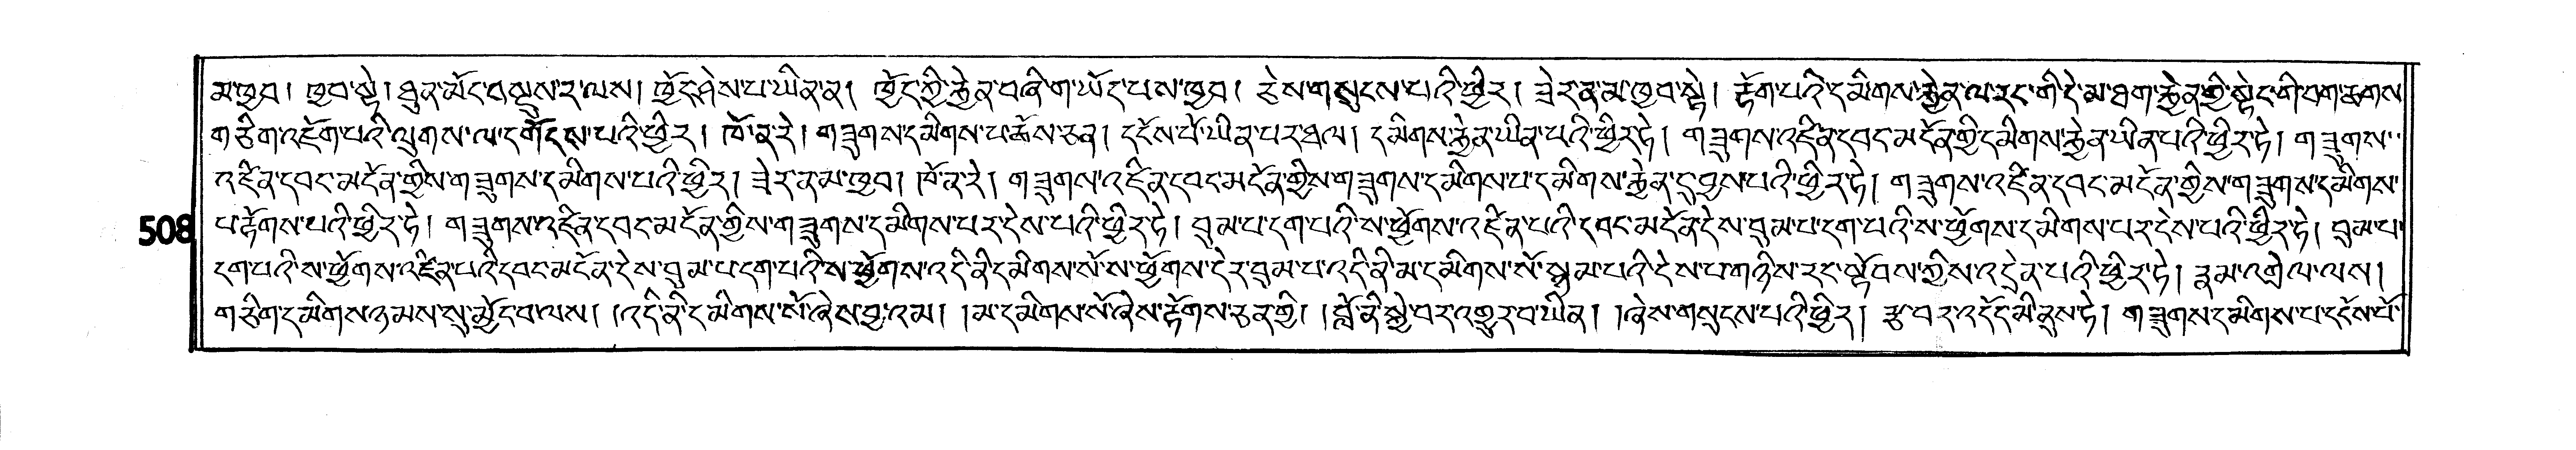མ་ཁྱབ། ཁྱབ་སྟེ། ཐུན་མོང་བསྡུས་ར་ལས། ཁྱོད་ཤེས་པ་ཡིན་ན། ཁྱོད་ཀྱི་རྐྱེན་བཞི་ག་ཡོད་པས་ཁྱབ། ཅེས་གསུངས་པའི་ཕྱིར། ཟེར་ན་མ་ཁྱབ་སྟེ། རྟོག་པའི་དམིགས་རྐྱེན་ལ་རང་གི་དེ་མ་ཐག་རྐྱེན་གྱི་སྟེང་གི་བག་ཆགས་
གཅིག་འཇོག་པའི་ལུགས་ལ་དགོངས་པའི་ཕྱིར། ཁོ་ན་རེ། གཟུགས་དམིགས་པ་ཆོས་ཅན། དངོས་པོ་ཡིན་པར་ཐལ། དམིགས་རྐྱེན་ཡིན་པའི་ཕྱིར་ཏེ། གཟུགས་འཛིན་དབང་མངོན་གྱི་དམིགས་རྐྱེན་ཡིན་པའི་ཕྱིར་ཏེ། གཟུགས་
འཛིན་དབང་མངོན་གྱིས་གཟུགས་དམིགས་པའི་ཕྱིར། ཟེར་ན་མ་ཁྱབ། ཁོ་ན་རེ། གཟུགས་འཛིན་དབང་མངོན་གྱིས་གཟུགས་དམིགས་པ་དམིགས་རྐྱེན་དུ་བྱས་པའི་ཕྱིར་ཏེ། གཟུགས་འཛིན་དབང་མངོན་གྱིས་གཟུགས་དམིགས་
པ་རྟོགས་པའི་ཕྱིར་ཏེ། གཟུགས་འཛིན་དབང་མངོན་གྱིས་གཟུགས་དམིགས་པར་ངེས་པའི་ཕྱིར་ཏེ། བུམ་པ་དག་པའི་ས་ཕྱོགས་འཛིན་པའི་དབང་མངོན་དེས་བུམ་པ་དག་པའི་ས་ཕྱོགས་དམིགས་པར་ངེས་པའི་ཕྱིར་ཏེ། བུམ་པ་
དག་པའི་ས་ཕྱོགས་འཛིན་པའི་དབང་མངོན་དེས་བུམ་པ་དག་པའི་ས་ཕྱོགས་འདི་ནི་དམིགས་སོ་ས་ཕྱོགས་དེར་བུམ་པ་འདི་ནི་མ་དམིགས་སོ་སྙམ་པའི་ངེས་པ་གཉིས་རང་སྟོབས་ཀྱིས་འདྲེན་པའི་ཕྱིར་ཏེ། རྣམ་འགྲེལ་ལས།
གཅིག་དམིགས་ཉམས་སུ་མྱོང་བ་ལས། །འདི་ནི་དམིགས་སོ་ཞེས་བྱ་འམ། །མ་དམིགས་སོ་ཞེས་རྟོགས་ཅན་གྱི། །བློ་ནི་སྐྱེ་བར་འགྱུར་བ་ཡིན། །ཞེས་གསུངས་པའི་ཕྱིར། རྩ་བར་འདོད་མི་ནུས་ཏེ། གཟུགས་དམིགས་པ་དངོས་པོ་